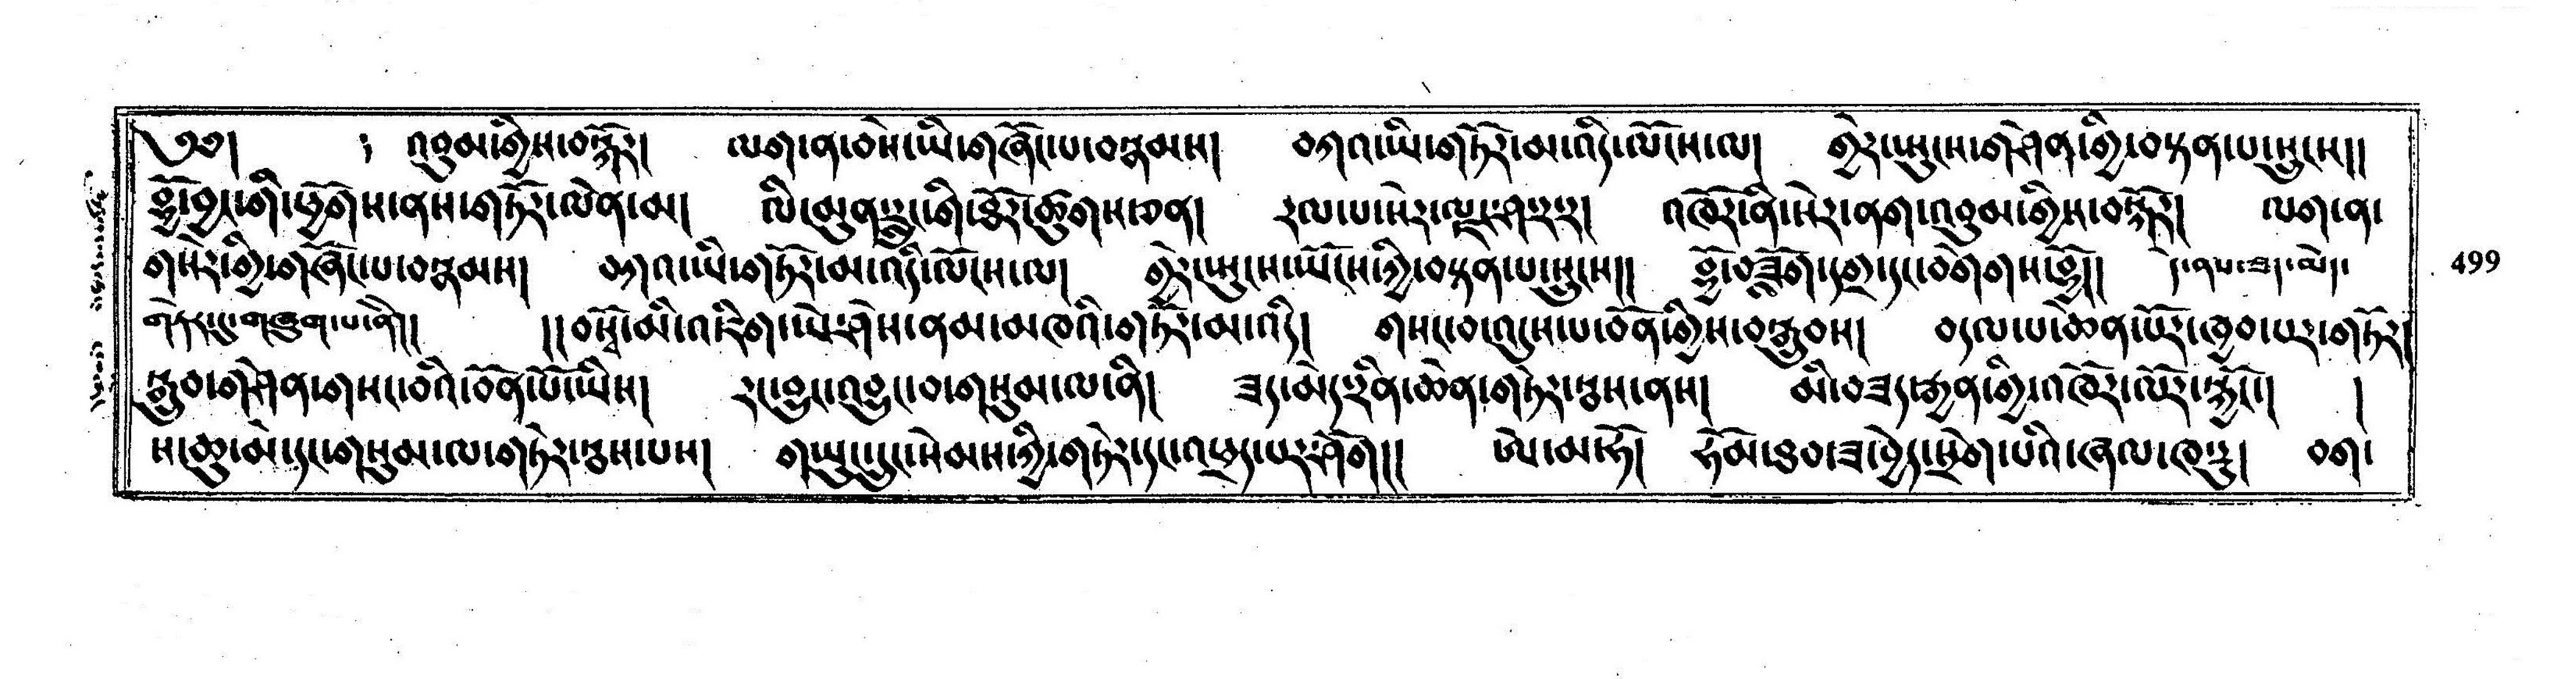འབུམ་གྱིས་བསྐོར། ལག་ན་བསེ་ཡི་གཞོང་པ་བསྣམས། བཀའ་ཡི་གཏོར་མ་འདི་ལོངས་ལ། གྱེར་སྤུངས་གཤེན་གྱི་བསྟན་པ་སྲུངས།། 
བྷྱོ་བྱང་གི་ཕྱོགས་ནས་གཏོར་ལེན་མ། ལི་མུན་རླུང་གི་ཐོར་ཚུགས་ཅན། {513}རལ་པ་སེར་ལྗང་ཤ་ར་ར། འཁོར་ནི་སེར་ནག་འབུམ་གྱིས་བསྐོར། ལག་ན་
གསེར་གྱི་གཞོང་པ་བསྣམས། བཀའ་ཡི་གཏོར་མ་འདི་ལོངས་ལ། གྱེར་སྤུངས་ཡོངས་ཀྱི་བསྟན་པ་སྲུངས།། བྷྱོ་བཟློག་དགྲ་དང་བགེགས་ལ་བྷྱོ།། དེ་ནས་ཟད་མེད་
གཏེར་དུ་གཞུག་པ་ནི།། །།བསྭོ་མི་འཇིག་ཡེ་ཤེས་ནམ་མཁའི་གཏོར་མ་འདི། གསང་བ་འདུས་པ་བོན་གྱིས་བསྒྲུབས། བདལ་པ་ཆེན་པོར་ཁྱབ་པར་གཏོར། 
སྒྲུབ་གཤེན་གསང་བའི་བོན་པོ་ཡིས། རང་བྱུང་འབྱུང་བ་གསུམ་ལ་ནི། ཟད་མེད་རིན་ཆེན་གཏེར་སྦས་ནས། མི་བཟད་རྒྱན་གྱི་འཁོར་ལོར་སྐྱོང་། 
ས་ཆུ་མེ་དང་གསུམ་ལ་གཏེར་སྦས་པས། གཡུང་དྲུང་སེམས་ཀྱི་གཏེར་དང་འཕྲད་པར་ཤོག །།ཨེ་མ་ཧོ། ཧོམ་ཐབ་ཟ་བྱེད་སྲེག་པའི་ཞལ་ཁ་རུ། བག་